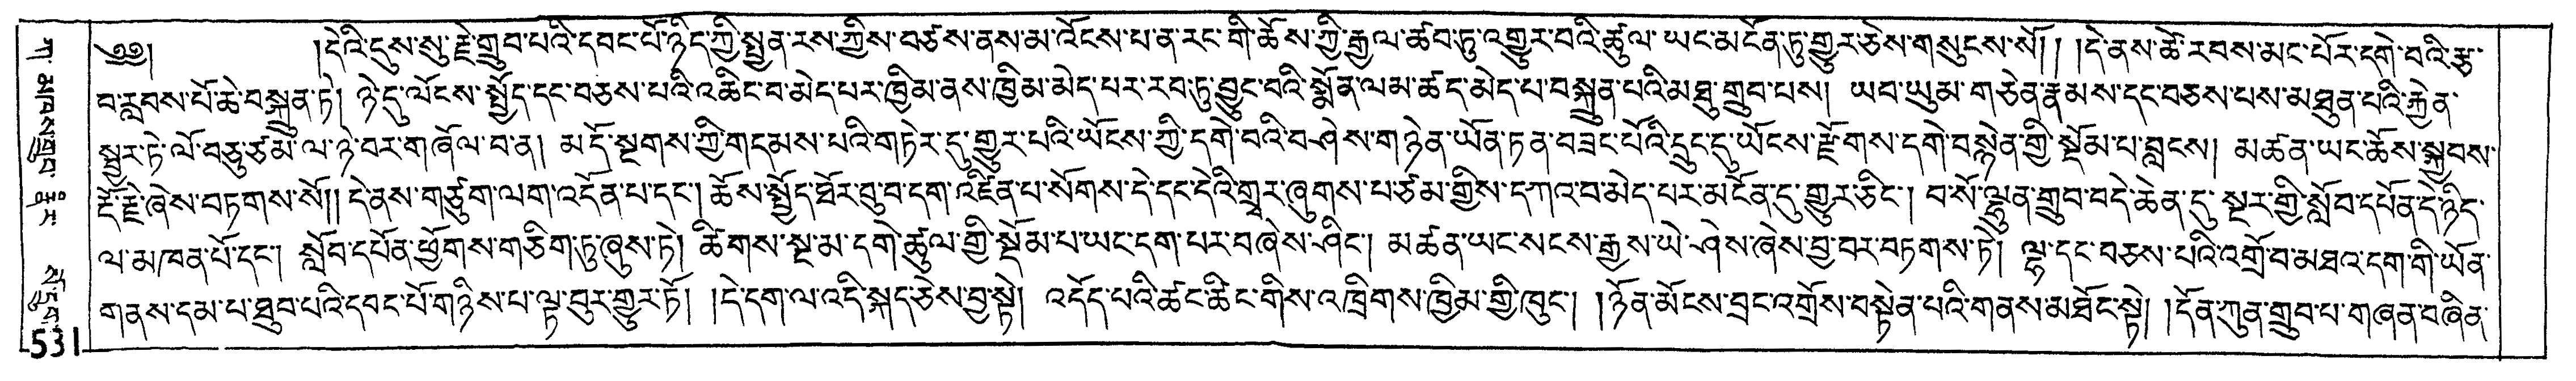༄༅། །དེའི་དུས་སུ་རྗེ་གྲུབ་པའི་དབང་པོ་ཉིད་ཀྱི་སྤྱན་རས་ཀྱིས་བཙས་ནས་མ་འོངས་པ་ན་རང་གི་ཆོས་ཀྱི་རྒྱལ་ཚབ་ཏུ་འགྱུར་བའི་ཚུལ་ཡང་མངོན་ཏུ་གྱུར་ཅེས་གསུངས་སོ།། །དེ་ནས་ཚེ་རབས་མང་པོར་དགེ་བའི་རྩ་
བ་རླབས་པོ་ཆེ་བསྐྲུན་ཏེ། ཉེ་དུ་ལོངས་སྤྱོད་དང་བཅས་པའི་འཆིང་བ་མེད་པར་ཁྱིམ་ནས་ཁྱིམ་མེད་པར་རབ་ཏུ་བྱུང་བའི་སྨོན་ལམ་ཚད་མེད་པ་བསྐྲུན་པའི་མཐུ་གྲུབ་པས། ཡབ་ཡུམ་གཅེན་རྣམས་དང་བཅས་པས་མཐུན་པའི་རྐྱེན་
སྦྱར་ཏེ་ལོ་བཅུ་ཙམ་ལ་ཉེ་བར་གཞོལ་བ་ན། མདོ་སྔགས་ཀྱི་གདམས་པའི་གཏེར་དུ་གྱུར་པའི་ཡོངས་ཀྱི་དགེ་བའི་བཤེས་གཉེན་ཡོན་ཏན་བཟང་པོའི་དྲུང་དུ་ཡོངས་རྫོགས་དགེ་བསྙེན་གྱི་སྡོམ་པ་བླངས། མཚན་ཡང་ཆོས་སྐྱབས་
རྡོ་རྗེ་ཞེས་བཏགས་སོ། །དེ་ནས་གཙུག་ལག་འདོན་པ་དང་། ཆོས་སྤྱོད་ཐོར་བུ་བ་དག་འཛིན་པ་སོགས་དེ་དང་དེའི་གྲྭར་ཞུགས་པ་ཙམ་གྱིས་དཀའ་བ་མེད་པར་མངོན་དུ་གྱུར་ཅིང་། བ་སོ་ལྷུན་གྲུབ་བདེ་ཆེན་དུ་སྔར་གྱི་སློབ་དཔོན་དེ་ཉིད་
ལ་མཁན་པོ་དང་། སློབ་དཔོན་ཕྱོགས་གཅིག་ཏུ་ཞུས་ཏེ། ཚིགས་སྔ་མ་དགེ་ཚུལ་གྱི་སྡོམ་པ་ཡང་དག་པར་བཞེས་ཤིང་། མཚན་ཡང་སངས་རྒྱས་ཡེ་ཤེས་ཞེས་བྱ་བར་བཏགས་ཏེ། ལྷ་དང་བཅས་པའི་འགྲོ་བ་མཐའ་དག་གི་ཡོན་
གནས་དམ་པ་ཐུབ་པའི་དབང་པོ་གཉིས་པ་ལྟ་བུར་གྱུར་ཏོ། །དེ་དག་ལ་འདི་སྐད་ཅེས་བྱ་སྟེ། འདོད་པའི་ཚང་ཚིང་གིས་འཁྲིགས་ཁྱིམ་གྱི་ཁུང་། །ཉོན་མོངས་བྲང་འགྲོས་བསྟེན་པའི་གནས་མཐོང་སྟེ། །དོན་ཀུན་གྲུབ་པ་གཞན་བཞིན་